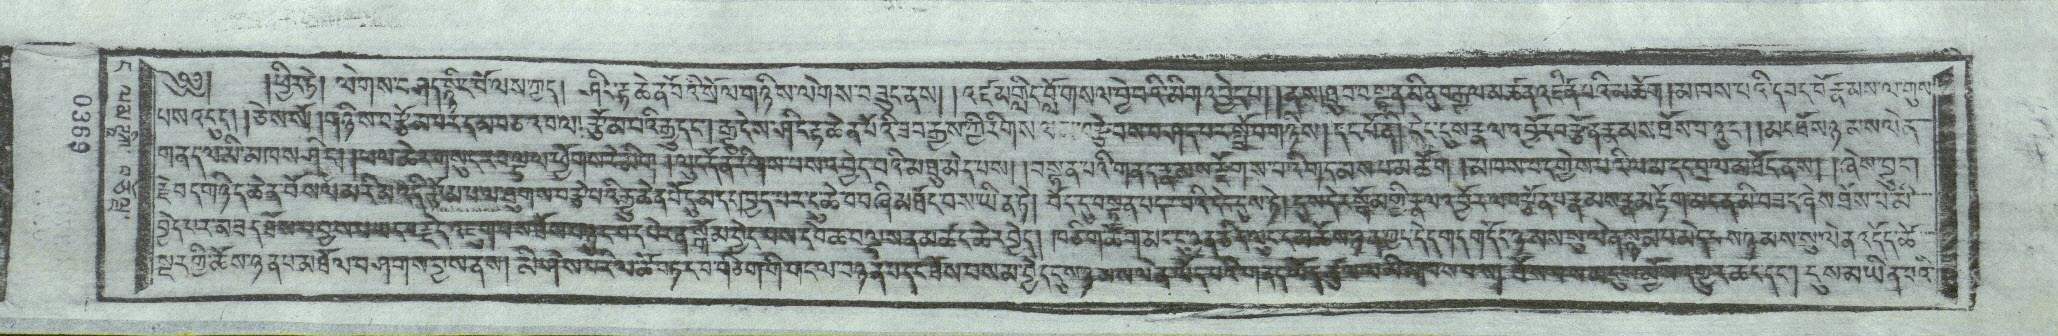༄༅། །ཕྱིར་ཏེ། ལེགས་བཤད་སྙིང་བོ་ལས་ཀྱང་། ཤིང་རྟ་ཆེན་པོའི་སྲོལ་གཉིས་ལེགས་བཟུང་ནས། འཛམ་གླིང་བློ་གསལ་བྱེ་པའི་མིག་འབྱེད་པ། །ནས། ཐུབ་བསྟན་མི་ནུབ་རྒྱལ་མཚན་འཛིན་པའི་མཆོག །མཁས་པའི་དབང་པོ་རྣམས་ལ་གུས་
པས་འདུད། །ཅེས་སོ། །གཉིས་བརྩོམ་པར་དམ་བཅའ་བ་ལ། རྩོམ་པའི་རྒྱུ་དང་། རྒྱུ་དེས་ཤིང་རྟ་ཆེན་པོའི་ཟབ་རྒྱས་ཀྱི་རིགས་ལམ་བརྩེགས་བཤད་པར་སྤྲོ་པ་གཉིས། དང་པོ་ནི། དེང་དུས་རྣལ་འབྱོར་རྣམས་ཐོས་པ་ཉུང་། མང་ཐོས་ཉམས་ལེན་
གནད་ལ་མི་མཁས་ཤིང་། །ཕལ་ཆེར་གསུང་རབ་ལྟ་ལ་ཕྱོགས་རེ་མིག། །ལུང་དོན་རིགས་པས་འབྱེད་པའི་མཐུ་མེད་པས། །བསྟན་པའི་གནད་རྣམས་རྫོགས་པའི་གདམས་པ་མཆོག། མཁས་པ་དགྱེས་པའི་ལམ་དང་བྲལ་མཐོང་ནས། །ཞེས་བྱུང་།
རྗེ་བདག་ཉིད་ཆེན་པོས་པ་རིམ་འདི་རྩོམ་པ་ལ་ཐུགས་བརྩོ་པའི་རྒྱུ་ཆེན་པོ་དུམ་དང་ཁྱད་པར་དུ་ཆེ་པ་བཞི་མཐོང་པས་ཡིན་ཏེ། བོད་དུ་བསྟན་པ་དྲ་པའི་དེང་དུས་ཏེ། དུས་དེར་སྒོམ་གྱི་རྣལ་འབྱོར་ལ་བརྩོན་པ་རྣམས་རྣམ་རྟོག་མང་ན་མི་བཟང་ཞེས་ཐོས་པོ་མི་
བྱེད་པར་མ་ཟད་ཐོས་པ་བྱས་པ་ཡང་བརྗོད་འཇུག་པས་ཐོས་པ་ཉུང་བ་དཔེར་ན་སྒོམ་བྱེད་པས་དེབ་ཆ་བལྟས་ནམ་ཚང་ཆེར་བྱེད། ཁ་ཅིག་ཚོག་མང་དུ་ཉན་ཅིང་ལུང་དམ་ཆོས་ཉན་ཀྱང་དེ་དག་དགོངས་ཉམ་སུ་ལེན་སྙམ་པ་མེད་པས་ཉམས་སུ་ལེན་འདོད་ཚེ་
སྔར་གྱི་ཆོས་ཉན་པ་མཐོལ་བཤགས་བྱས་ན། མི་ཤེས་པ་རིལ་ཚེ་བཏང་བ་གཅིག་གི་གང་ལ་བྙན་པ་དང་ཐོས་བསམ་བྱེད་དུས་ཉམས་ལེན་ཡོད་པའི་གནད་ཡོད་ཚུལ་ལ་མི་མཁས་པས། ཐོས་བསམ་དུས་མྱོས་འགྱུར་ཆང་དང་། དུས་མ་ཡིན་པའི་